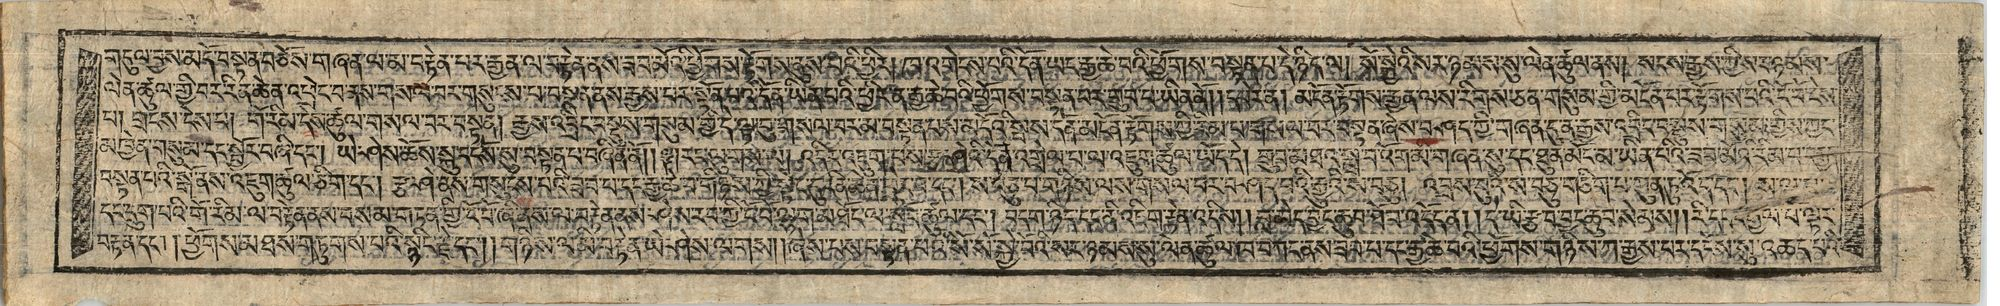གདུལ་བྱས་མདོ་བསྟན་བཅོས་གཞན་ལ་མ་བརྟེན་པར་རྒྱན་ལ་བརྟེན་ནས་ཟབ་མོའི་ཕྱོགས་རྟོགས་ནུས་པའི་ཕྱིར། ཁ་འགེངྶྤའི་དོན་ཡང་རྒྱ་ཆེ་བའི་ཕྱོགས་བསྟན་པ་དེ་ཉིད་ལ། སོ་སྐྱེའི་སར་ཉམས་སུ་ལེན་ཚུལ་ནས། སངས་རྒྱས་ཀྱི་སར་ཉམས་
ལེན་ཚུལ་གྱི་བར་རིན་ཆེན་འཕྲེང་བ་ནས་གསལ་བར་གསུངས་པ་བསྣནྣས་རྒྱས་པར་སྟོན་པའི་དོན་ཡིན་པའི་ཕྱིར་ན་རྒྱ་ཆེ་བའི་ཕྱོགས་བསྟན་པར་གྲུབ་པ་ཡིན་ནོ། །དཔེར་ན། མངོན་རྟོགས་རྒྱན་ལས་རིགས་ཅན་གསུམ་གྱི་མངོན་པར་རྟོགས་པའི་ངོ་བོ་ངེས་
པ། གྲངས་ངེས་པ། གོ་རིམ་ངེས་ཚུལ་གསལ་བར་བསྟན། རྒྱས་འབྲིང་བསྡུས་གསུམ་གྱི་དེ་ལྟ་བུ་གསལ་བར་མ་བསྟན་པས་མདོའི་སྦས་དོན་མངོན་རྟོགས་ཀྱི་རིམ་པ་གསལ་བར་བསྟན་ཞེས་བཤད་ཀྱི་གཞན་དུ་ན་རྒྱས་འབྲིང་བསྡུས་གསུམ་གྱིས་ཀྱང་
མཁྱེན་གསུམ་དང་སྦྱོར་བཞི་དང་། ཡེ་ཤེས་ཆོས་སྐུ་དངོས་སུ་བསྟན་པ་བཞིན་ནོ། ། ༈ །རང་ལུགས་ལ། འདིར་འཇུག་པས་རྩ་ཤེའི་དོན་འགྲེལ་པ་ལ་འཇུག་ཚུལ་ཡོད་དེ། གྲུབ་མཐའ་སྨྲ་བ་འོག་མ་གཞན་སུ་དང་ཐུན་མོང་མ་ཡིན་པའི་ཟབ་མོའི་རིམ་པ་བརྒྱད་
བསྟན་པའི་སྒོ་ནས་འཇུག་ཚུལ་ཅིག་དང་། རྩ་ཤེ་ནས་གསུངས་པའི་ཟབ་པ་དང་རྒྱ་ཆེ་བ་གཉིས་ཀྱི་སྟེང་དུ་རིན་ཆེན་ཕྲེང་བ་དང་། ས་བཅུ་པ་གཉིས་ལས་གསལ་བར་བཤད་པའི་རྒྱུའི་ས་བཅུ། འབྲས་བུའི་ས་བཅུ་གཅིག་པ་ཀུན་ཏུ་འོད་དང་། ས་ལྔ་པ་
དང་དྲུག་པའི་གོ་རིམ་ལ་བརྟེན་ནས་བསམ་གཏན་གྱི་ངོ་བོ་ཞི་གནས་ལ་བརྟེན་ནས་ཤེས་རབ་ཀྱི་ངོ་བོ་ལྷག་མཐོང་ལ་སློབ་ཚུལ་དང་། བདག་ཉིད་དང་ནི་འཇིག་རྟེན་འདིས། །བླ་མེད་བྱང་ཆུབ་ཐོབ་འདོད་ན། །དེ་ཡི་རྩ་བ་བྱང་ཆུབ་སེམས། །རི་དབང་རྒྱལ་པོ་ལྟར་
བརྟན་དང་། །ཕྱོགས་མཐས་གཏུགས་པའི་སྙིང་རྗེ་དང་། །གཉིས་ལ་མི་བརྟེན་ཡེ་ཤེས་ལགས། །ཞེས་པས་བསྟན་པའི་སོ་སོ་སྐྱེ་བོའི་སར་ཉམས་སུ་ལེན་ཚུལ་ཁ་བཀང་ནས་ཟབ་པ་དང་རྒྱ་ཆེ་བའི་ཕྱོགས་གཉིས་ཀ་རྒྱས་པར་དངོས་སུ་འཆད་པའི་